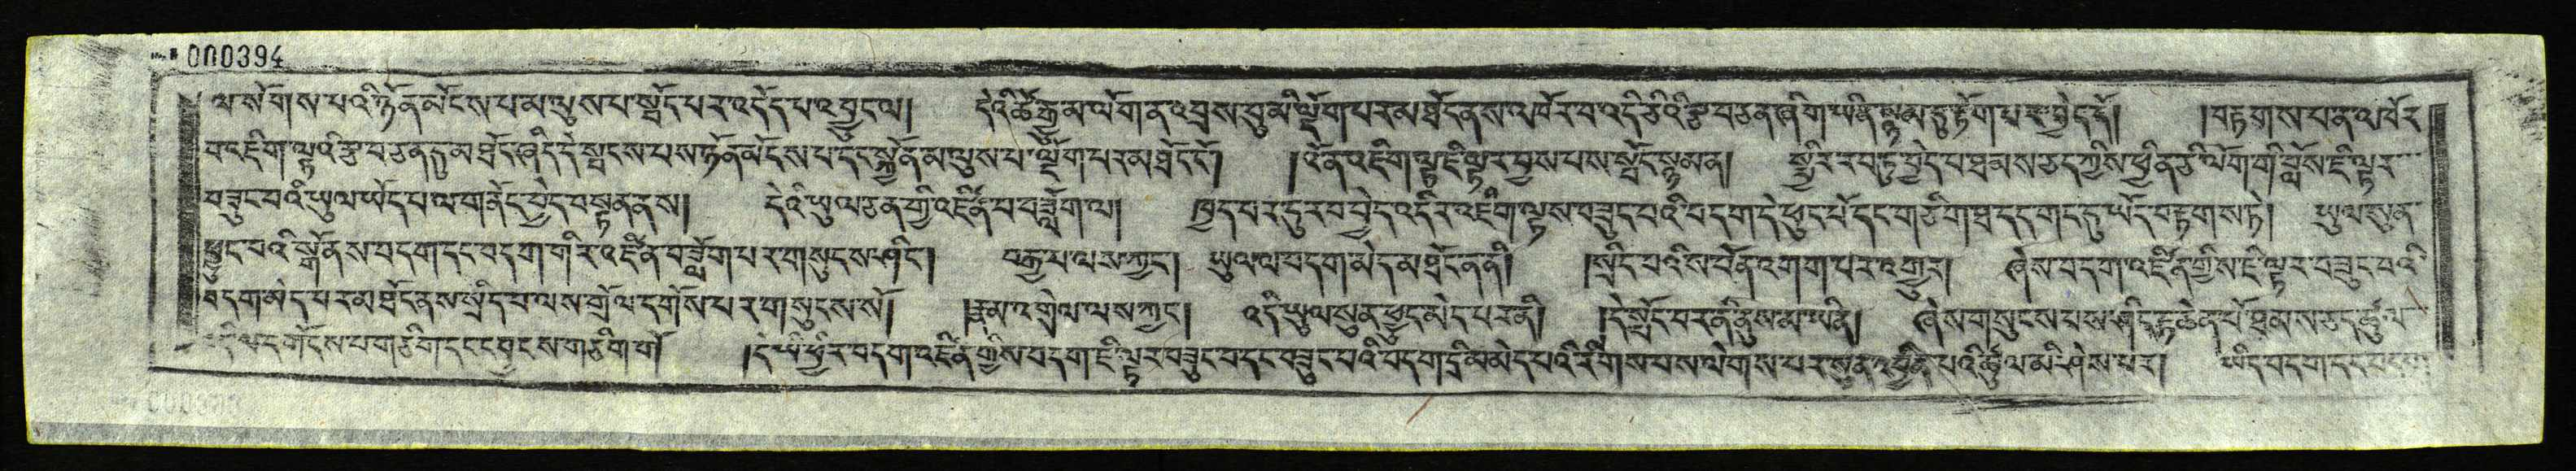ལ་སོགས་པའི་ཉོན་མོངས་པ་མ་ལུས་པ་སྤོང་པར་འདོད་པ་འབྱུང་ལ། དེའི་ཚེ་རྒྱུ་མ་ལོག་ན་འབྲས་བུ་མི་ལྡོག་པར་མཐོང་ནས་འཁོར་བ་འདི་ཅིའི་རྩ་བ་ཅན་ཞིག་ཡིན་སྙམ་དུ་རྟོག་པར་བྱེད་དོ། །བརྟགས་པ་ན་འཁོར་
བ་འཇིག་ལྟའི་རྩ་བ་ཅན་དུ་མཐོང་ཞིང་དེ་སྤངས་པས་ཉོན་མོངས་པ་དང་སྐྱོན་མ་ལུས་པ་ལྡོག་པར་མཐོང་ངོ། །འོ་ན་འཇིག་ལྟ་ཇི་ལྟར་བྱས་པས་སྤོང་སྙམ་ན། སྤྱིར་རབ་ཏུ་བྱེད་པ་ཐམས་ཅད་ཀྱིས་ཕྱིན་ཅི་ལོག་གི་བློས་ཇི་ལྟར་
བཟུང་བའི་ཡུལ་ཡོད་པ་ལ་གནོད་བྱེད་བསྟན་ནས། དེའི་ཡུལ་ཅན་གྱི་འཛིན་པ་བཟློག་ལ། ཁྱད་པར་དུ་རབ་བྱེད་འདིར་འཇིག་ལྟས་བཟུང་བའི་བདག་དེ་ཕུང་པོ་དང་གཅིག་ཐ་དད་གང་དུ་ཡོད་བརྟགས་ཏེ། ཡུལ་སུན་
ཕྱུང་བའི་སྒོ་ནས་བདག་དང་བདག་གིར་འཛིན་བཟློག་པར་གསུངས་ཤིང་། བརྒྱ་པ་ལས་ཀྱང་། ཡུལ་ལ་བདག་མེད་མཐོང་ན་ནི། །སྲིད་པའི་ས་བོན་འགག་པར་འགྱུར། ཞེས་པ་དག་འཛིན་གྱིས་ཇི་ལྟར་བཟུང་བའི་
བདག་མེད་པར་མཐོང་ནས་སྲིད་པ་ལས་གྲོལ་དགོས་པར་གསུངས་སོ། །རྣམ་འགྲེལ་ལས་ཀྱང་། འདི་ཡུལ་སུན་ཕྱུང་མེད་པར་ནི། །དེ་སྤོང་བར་ནི་ནུས་མ་ཡིན། ཞེས་གསུངས་པས་ཤིང་རྟ་ཆེན་པོ་ཐམས་ཅད་ཚུལ་
འདི་ལ་དགོངས་པ་གཅིག་དང་དབྱངས་གཅིག་གོ །དེ་ཡི་ཕྱིར་བདག་འཛིན་གྱིས་བདག་ཇི་ལྟར་བཟུང་བ་དང་བཟུང་བའི་བདག་དྲི་མ་མེད་པའི་རིགས་པས་ལེགས་པར་སུན་འབྱིན་པའི་ཚུལ་མི་ཤེས་པར། ཡིད་བདག་དང་བདག་